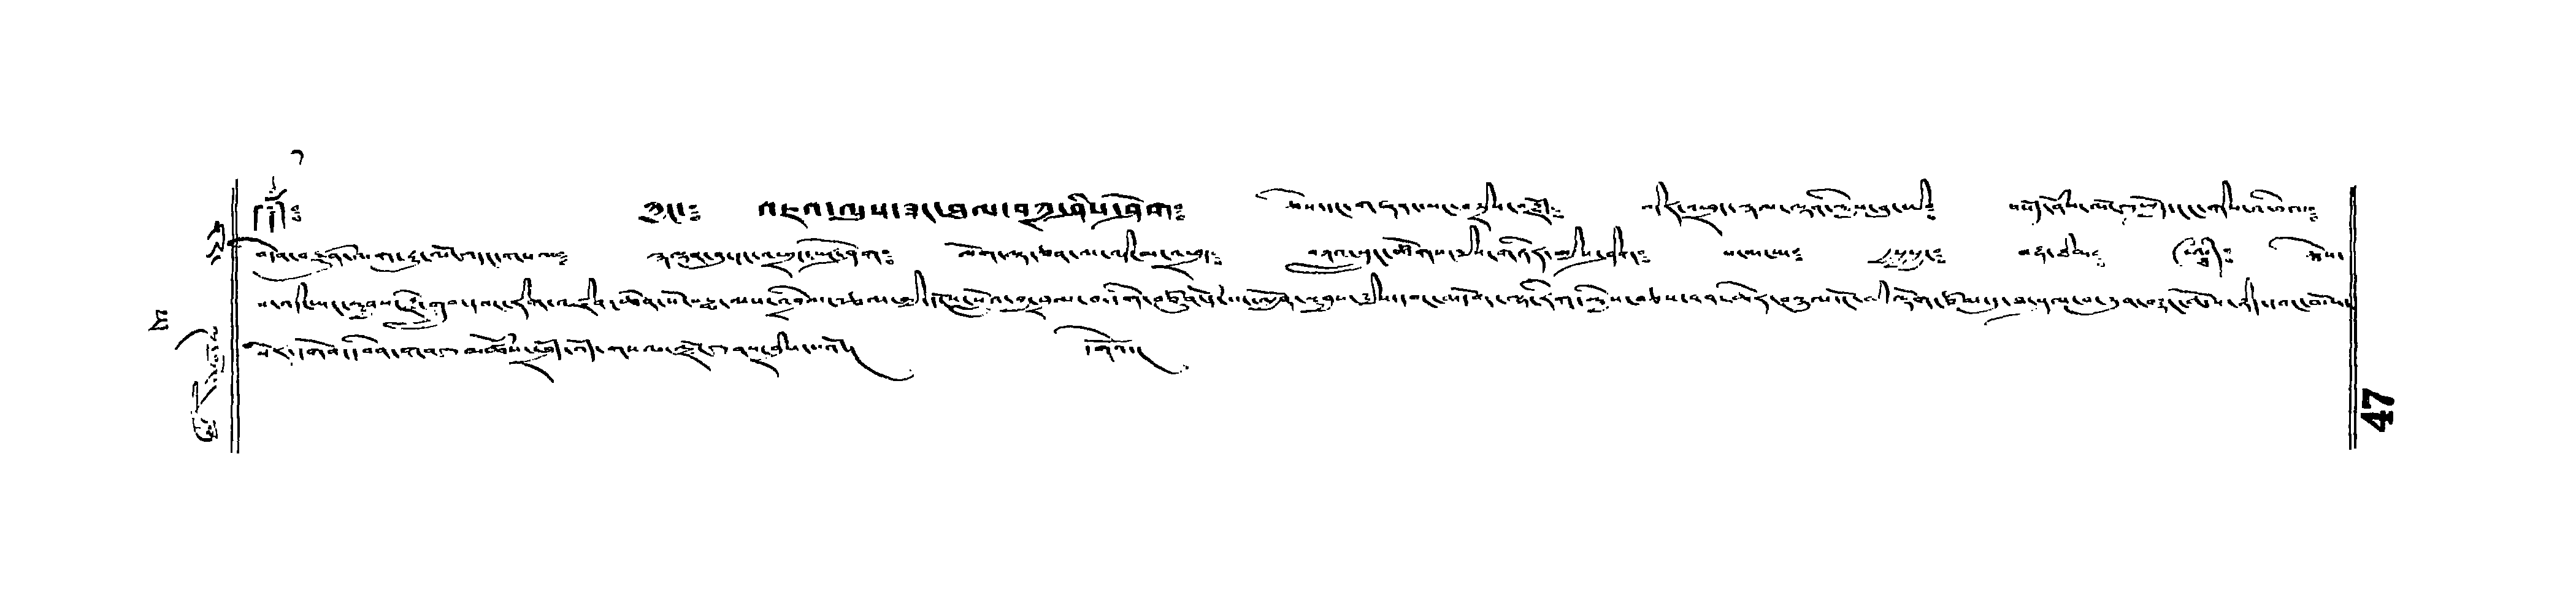ཀྱང༔ འཇའ་ལུས་ཟང་ཐལ་བཀྲ་ཤིས་ཤོག༔ ཅེས་དང་གཞན་ཡང་བཀྲ་ཤིས་བརྗོད༔ འདིར་འཕྲད་སྐལ་ལྡན་སྐྱེས་བུ་ཡི༔ བསོད་ནམས་ལོངས་སྤྱོད་ངང་གིས་འཕེལ༔ 
བདེན་བརྫུན་ལག་ཏུ་ལོངས་དང་གསལ༔ སྐལ་ལྡན་བུ་དང་འཕྲད་པར་ཤོག༔ ལོག་ལྟ་ཅན་ལ་འདི་མ་འཕྲད༔ བཀའ་སྲུང་ཚོགས་ཀྱིས་གཉེར་གྱིས་ཤིག༔ ས་མ་ཡ༔ རྒྱ་རྒྱ་རྒྱ༔ བརྡ་ཐིམ༔ ༔ ཅེས་
པ་འདི་ཡང་སྐྱབས་རྗེ་གྲུབ་དབང་རིག་འཛིན་ཆེན་པོ་པདྨ་ལས་འབྲེལ་རྩལ་གྱི་དངོས་སློབ་བྱ་བྲལ་བ་དགེ་བཙུན་དམ་པ་ཨོ་རྒྱན་སྐྱབས་ཀྱིས་དབང་མདོག་ལྷ་རེག་སྐྱེས་བཅས་ནན་ཆེར་བསྐུལ་ངོ་མ་ལྡོག་ཙམ་དུ་ཐ་ཤལ་བ་ཀུན་བཟང་ཆོས་ཉིད་དབང་མོས་
སེར་དགོན་དབེན་གནས་མཚམས་ཁྲོད་འོད་གསལ་ལྗོངས་ནས་བྲིས་པའོ།། དགེའོ།།